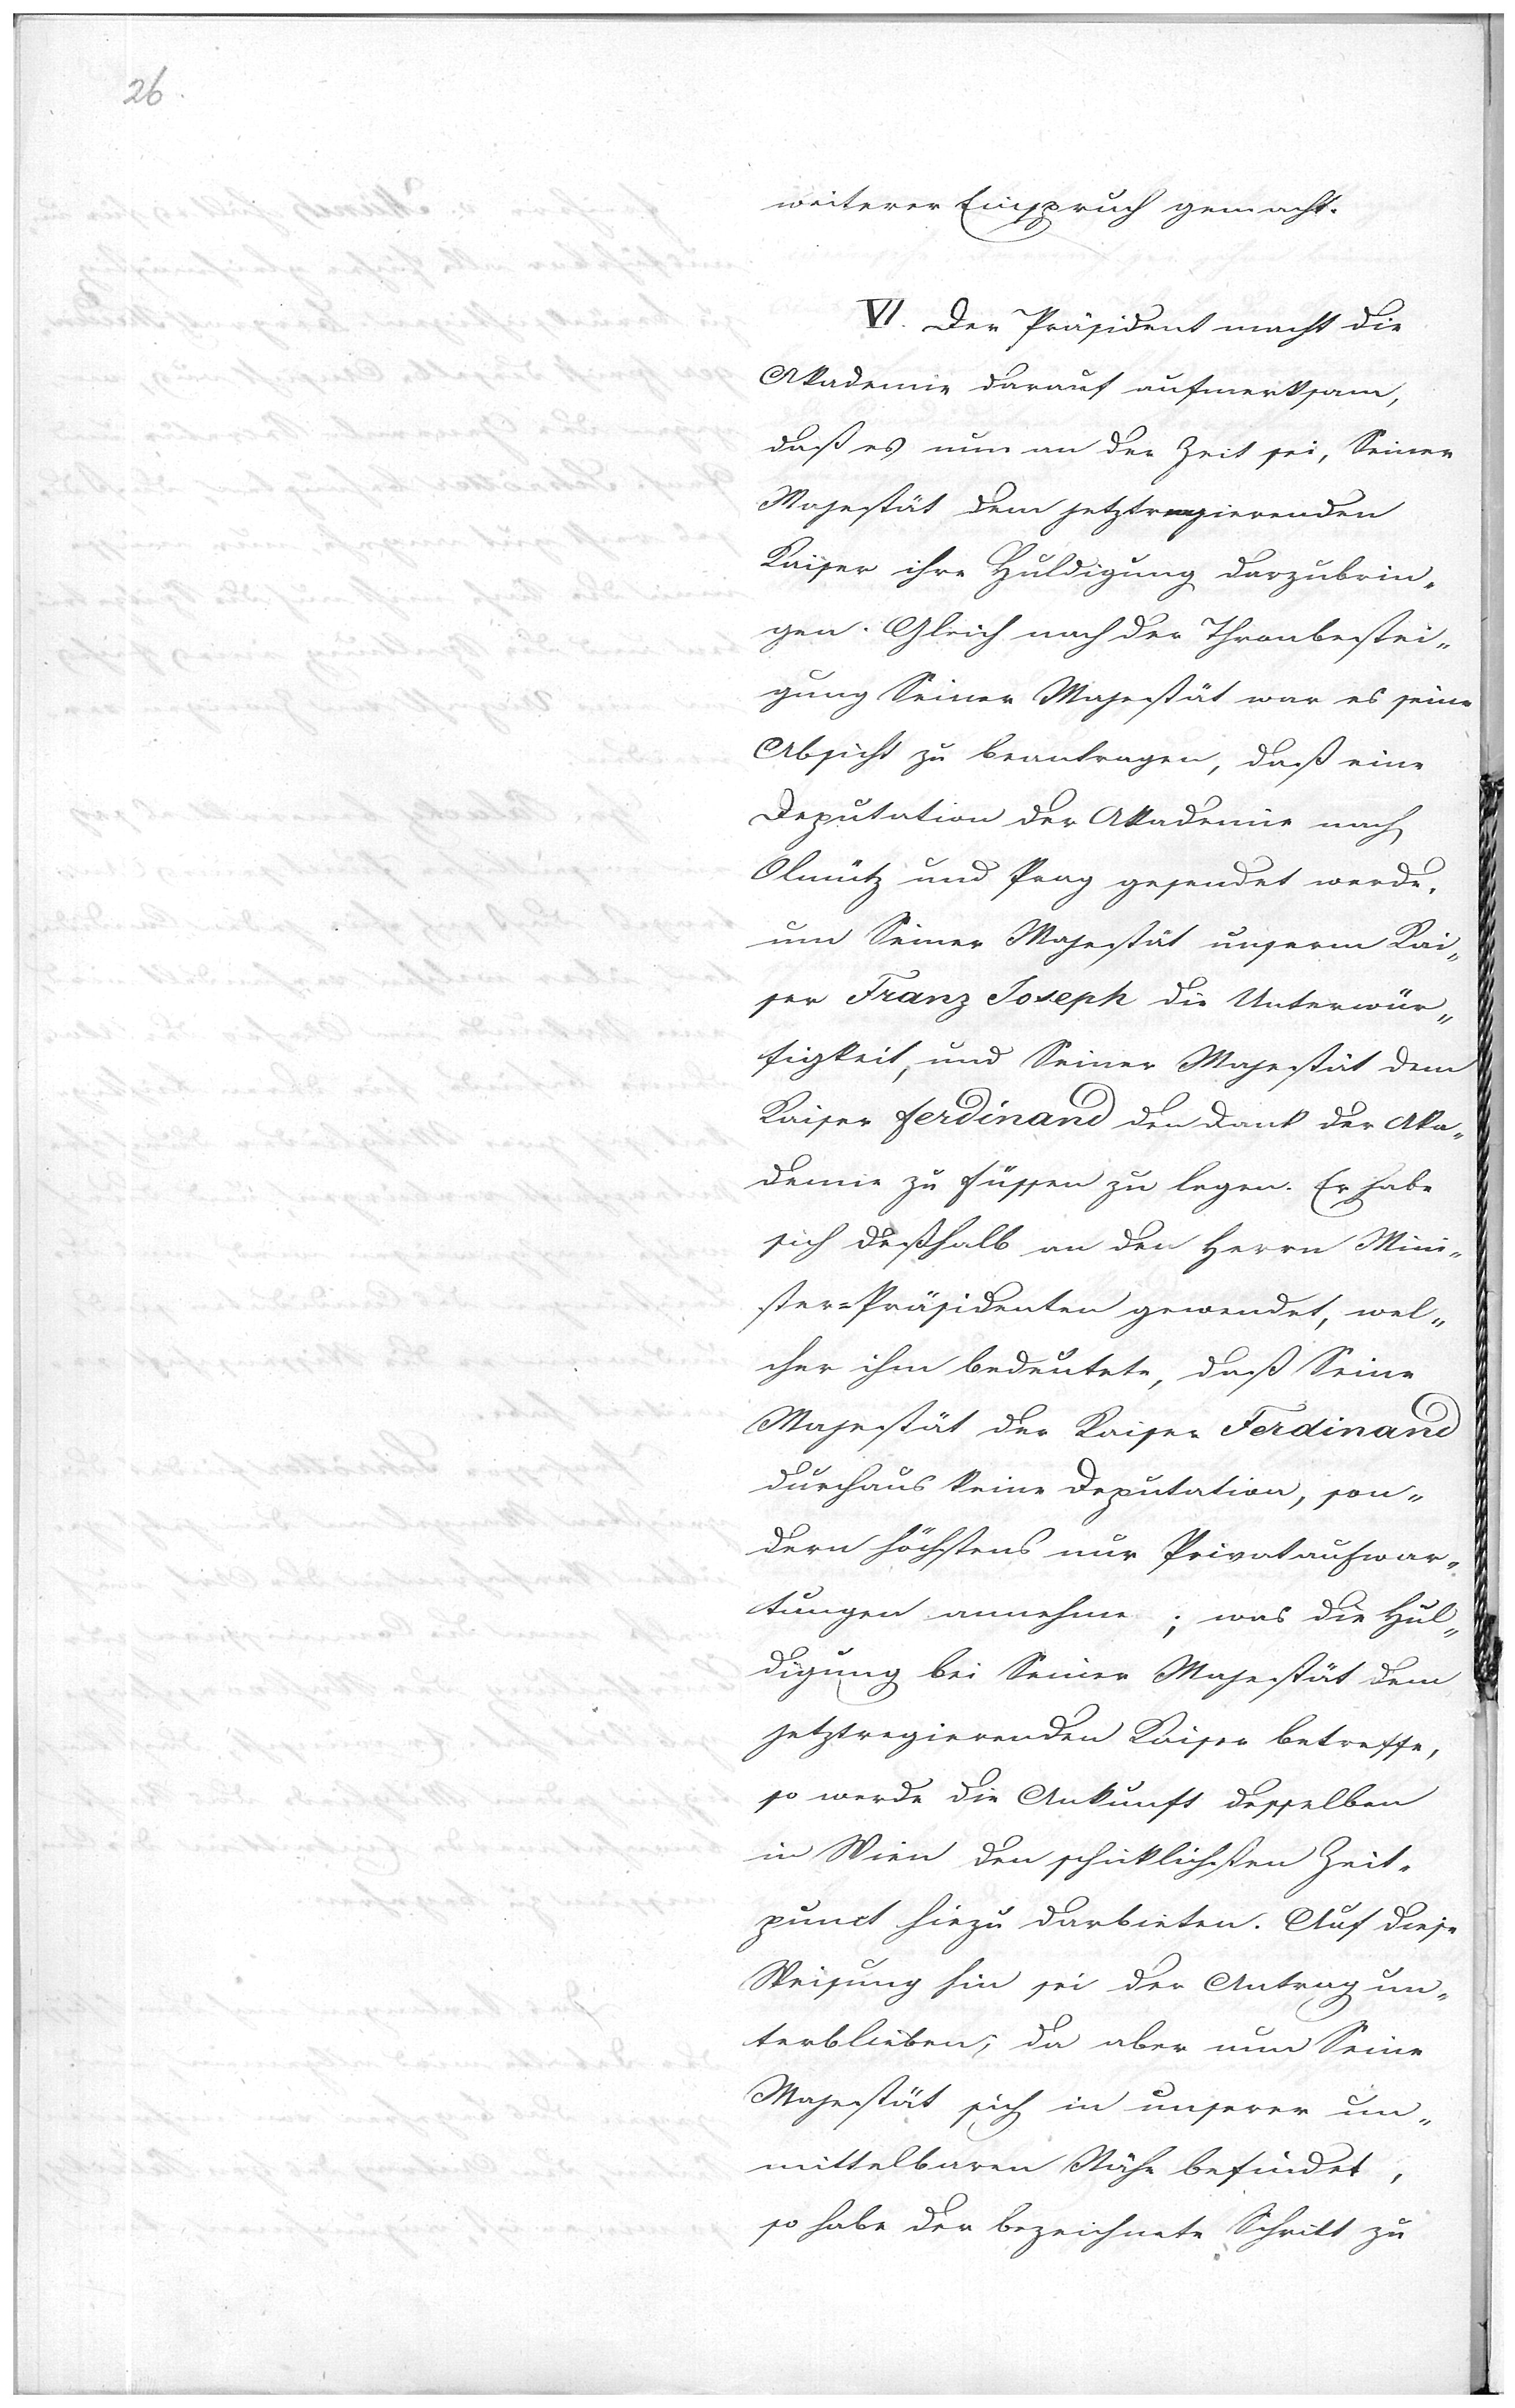weiterer Einspruch gemacht.
VI. Der Präsident macht die
Akademie darauf aufmerksam,
daß es nun an der Zeit sei, Seiner
Majestät dem jetztregierenden
Kaiser ihre Huldigung darzubrin-
gen. Gleich nach der Thronbestei-
gung Seiner Majestät war es seine
Absicht zu beantragen, daß eine
Deputation der Akademie nach
Olmütz und Prag gesendet werde,
um Seiner Majestät unseren Kai-
ser Franz Joseph die Unterwür-
figkeit, und Seiner Majestät dem
Kaiser Ferdinand den Dank der Aka-
demie zu Füssen zu legen. Er habe
sich deßhalb an den Herrn Mini-
ster-Präsidenten gewendet, wel-
cher ihm bedeutete, daß Seine
Majestät der Kaiser Ferdinand
durchaus keine Deputation, son-
dern höchstens nur Privataufwar-
tungen annehme; was die Hul-
digung bei Seiner Majestät dem
jetztregierenden Kaiser betreffe,
so werde die Ankunft desselben
in Wien den schicklichsten Zeit-
punct hiezu darbieten. Auf diese
Weisung hin sei der Antrag un-
terblieben, da aber nun Seine
Majestät sich in unserer un-
mittelbaren Nähe befindet,
so habe der bezeichnete Schritt zu